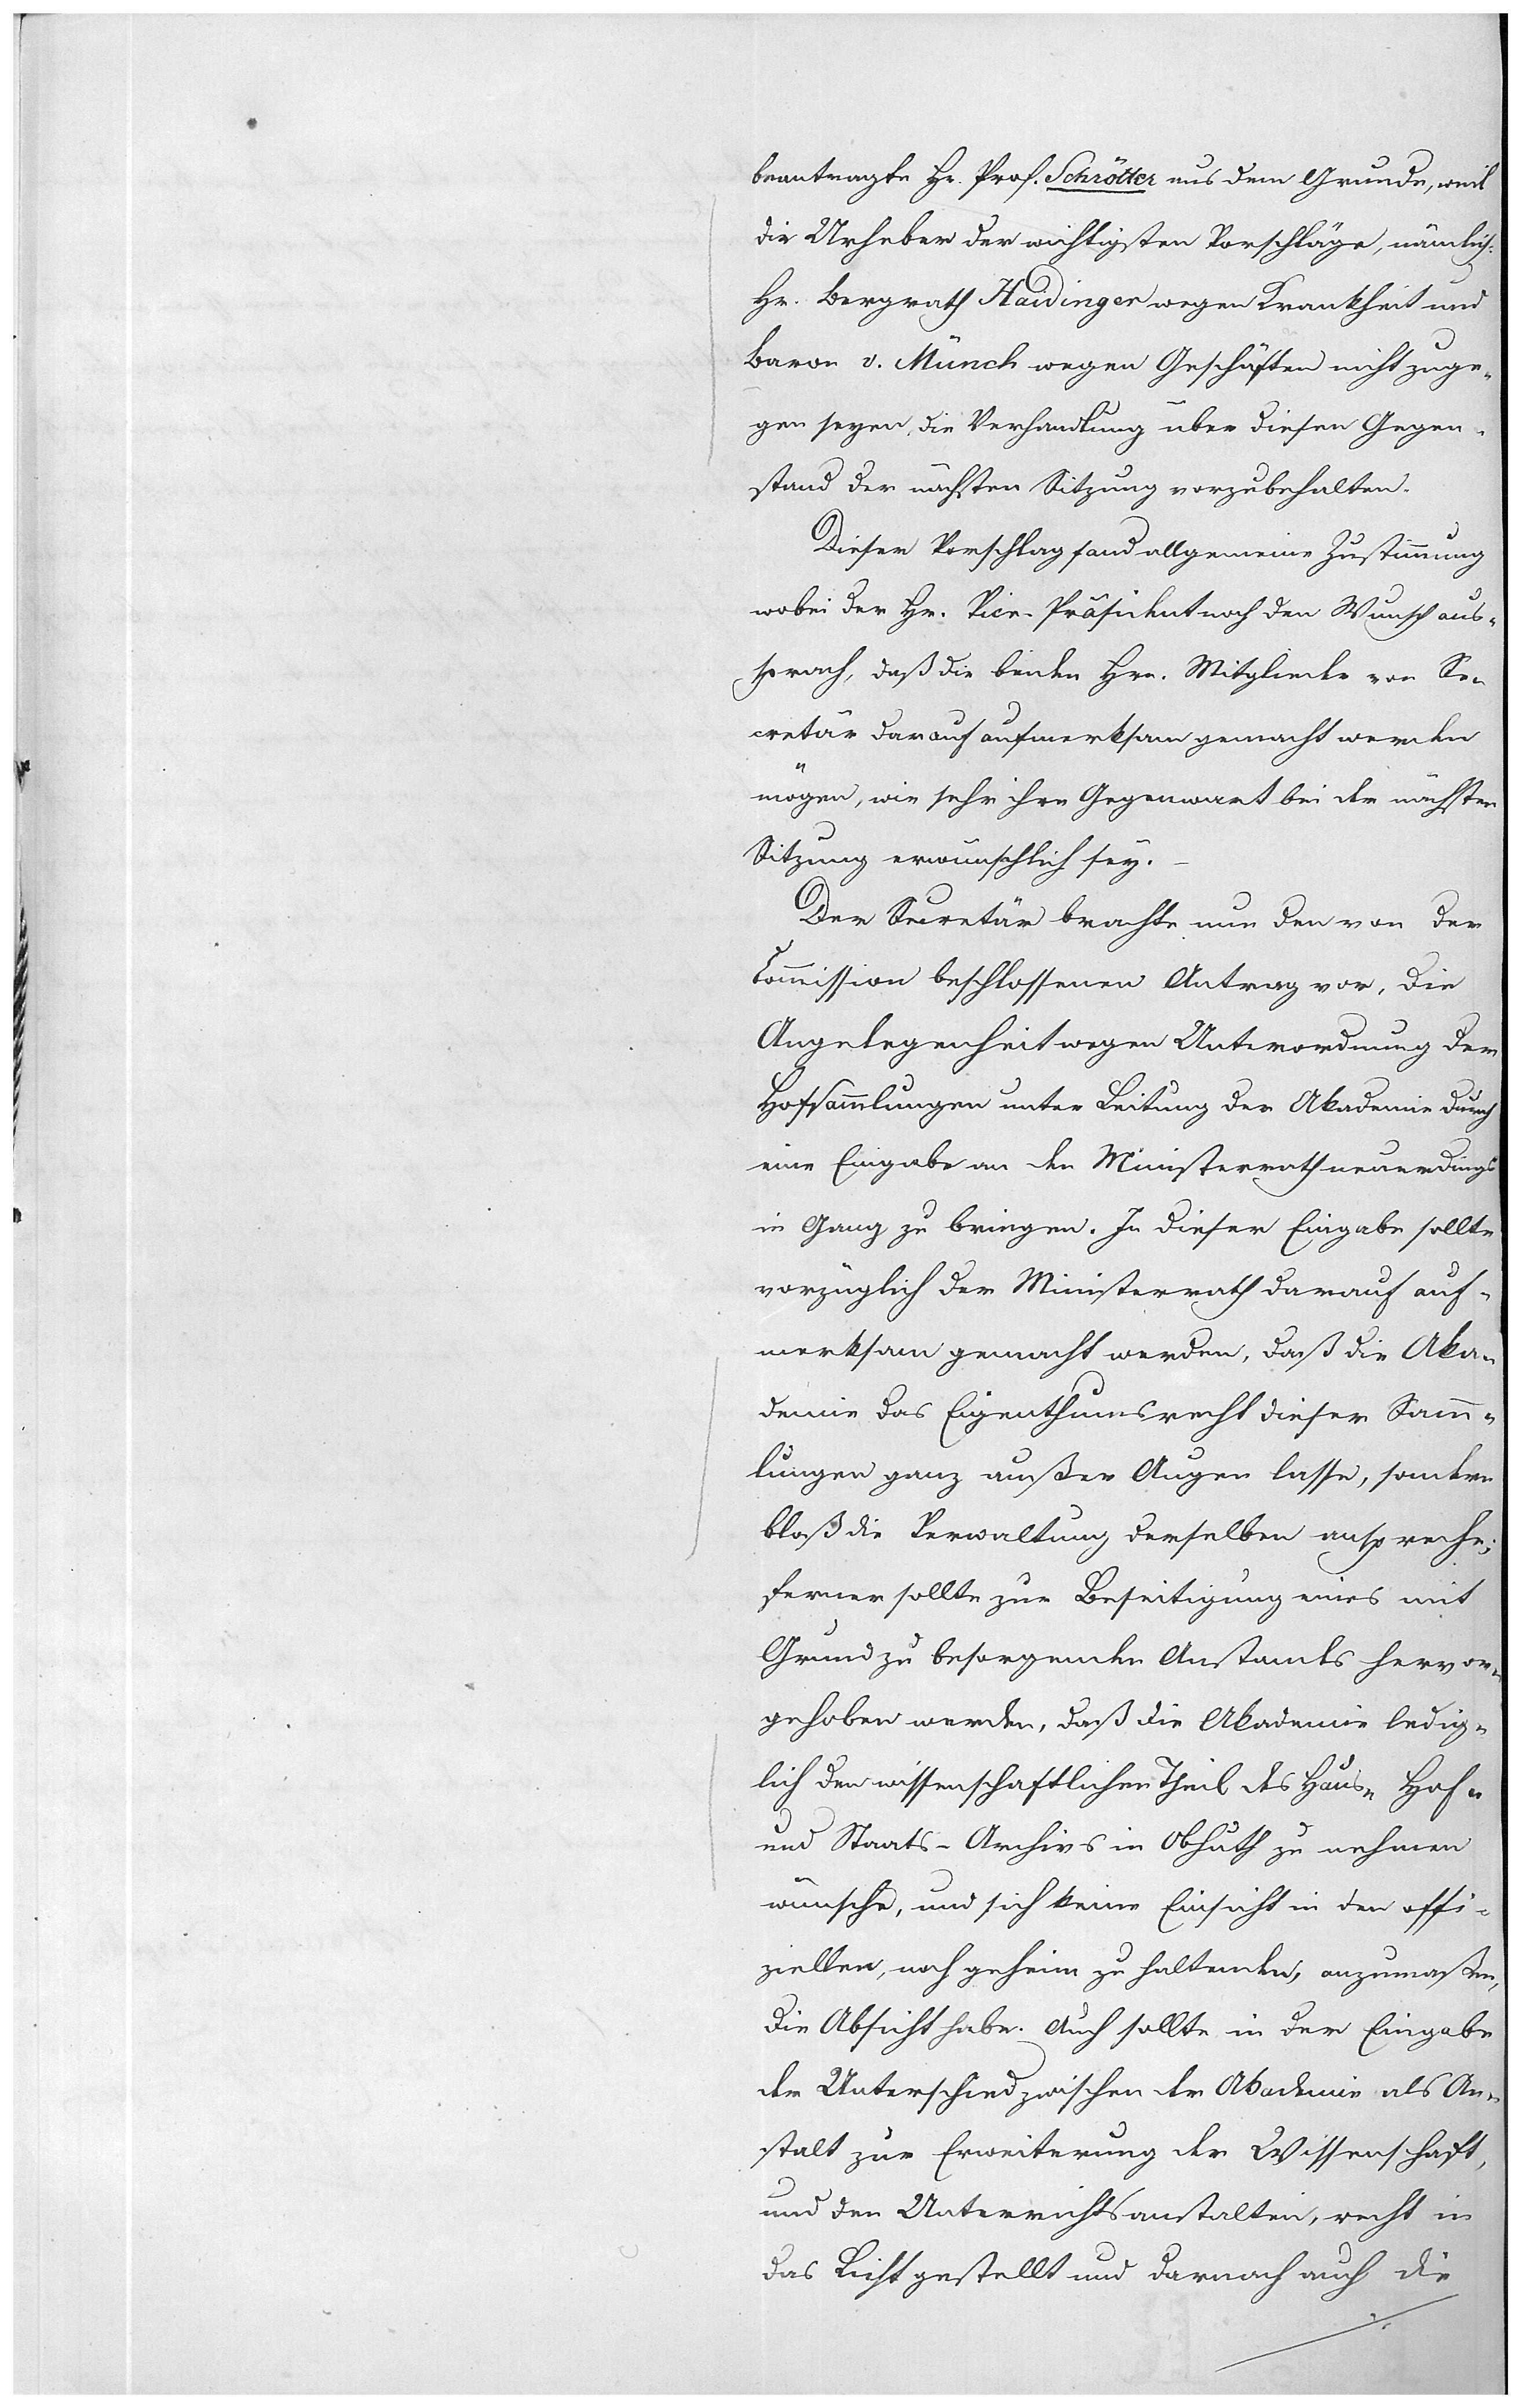beantragte Hr. Prof. Schrötter aus dem Grunde, weil
die Urheber der wichtigisten Vorschläge, nämlich
Hr. Bergrath Haidinger wegen Krankheit und
Baron v. Münch wegen Geschäften nicht zuge-
gen seyen, die Verhandlung über diesen Gegen-
stand der nächsten Sitzung vorzubehalten.
Dieser Vorschlag fand allgemeine Zustimmung
wobei der Hr. Vice-Präsident noch den Wunsch aus-
sprach, daß die beiden Hrn. Mitglieder von Se-
cretär darauf aunfmerksaun gemacht werden
mögen, wie sehr ihre Gegenwart bei der nächsten
Sitzung erwünschlich sey.
Der Secretär brachte nun den von der
Commission beschlossenen Antrag vor, die
Angelegenheit wegen Unterordung der
Hofsammlungen unter Leitung der Akademie durch
eine Eingabe an der Ministerrath neuerdings
in Gang zu bringen. In dieser Eingabe sollte
vorzüglich der Ministerrath darauf auf-
merksam gemacht werden, daß die Aka-
demie das Eigenthumsrecht dieser Samm-
lungen ganz außer Augen lassen, sondern
bloß die Verwaltung derselben entspreche,
ferner sollte zur Beseitigung eines mit
Grund zu besorgenden Anstands hervor-
gehoben werden, daß die Akademie ledig-
lich der wissenschaftlichen Theil des Haus- Hof-
und Staats-Archivs in Obhuth zu nehmen
wünsche, und sich keine Einsicht in den offi-
ziellen, noch geheim zu haltenden, anzumaßen,
die Absicht habe. Auch sollte in der Eingabe
der Unterschied zwischen der Akademie als An-
stalt zur Erweiterung der Wissenschaft,
und den Unterrichtsanstalten, recht in
das Licht gestellt und darnach auch die